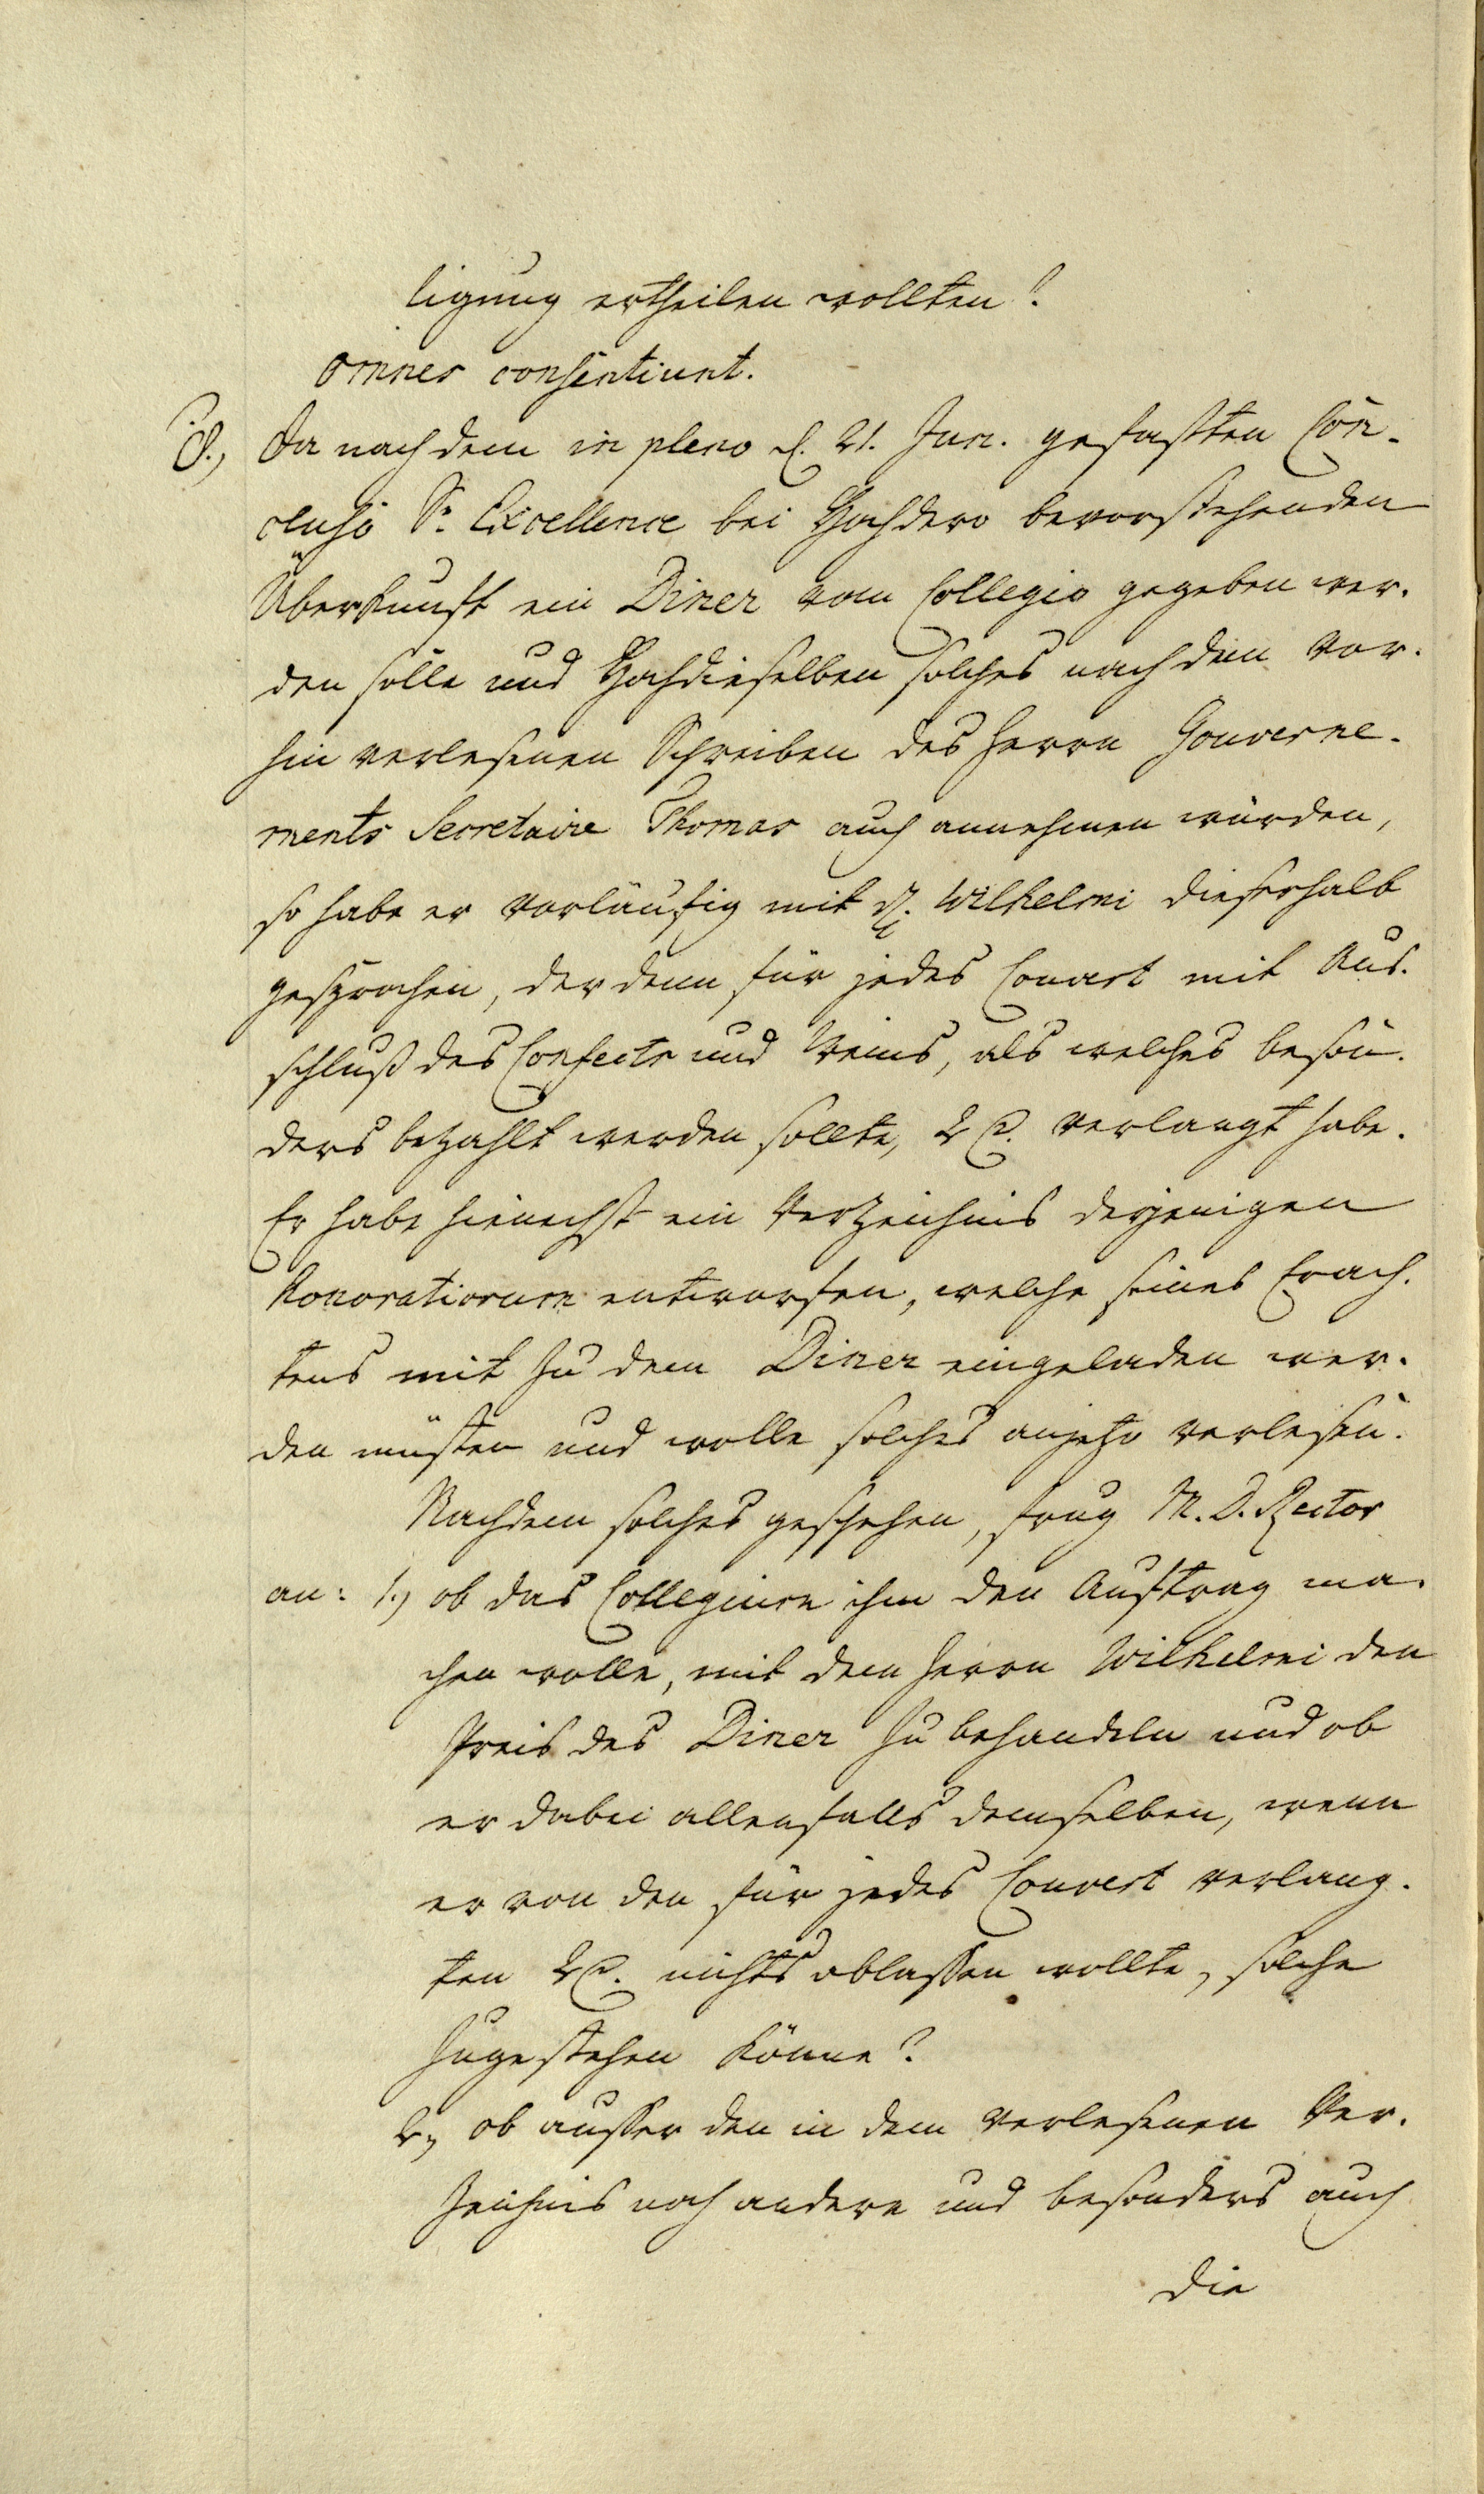ligung ertheilen wollten?
Omnes consentiunt.
8., Da nach dem in pleno d. 21. Jun. gefaßten Con¬
clusi Sr. Excellence bei Hochdero bevorstehenden
Überkunft ein Diner vom Collegio gegeben wer¬
den solle und Hochdieselben solches nach dem vor¬
hin verlesenen Schreiben des Herrn Gouverne¬
ments Secretaire Thomas auch annehmen würden,
so habe er vorläufig mit dh. Wilhelmi dieserhalb
gesprochen, der denn für jedes Couvert mit Aus¬
schluß des Confects und Weins, als welches beson¬
ders bezahlt werden sollte, 2 l. verlangt habe.
Er habe hienechst ein Verzeichnis derjenigen
honoratiorum entworfen, welche seines Erach¬
tens mit zu dem Diner eingeladen wer¬
den müßten und wolle solches anjetzo verlesen.
Nachdem solches geschehen, frug M. D. Rector
an : 1., ob das Collegium ihm den Auftrag ma¬
chen wolle, mit dem Herrn Wilhelmi den
Preis des Diner zu behandeln und ob
er dabei allenfalls demselben, wenn
er von den für jedes Couvert verlang¬
ten 2 l. nichts ablassen wollte, solche
zugestehen könne?
2; ob ausser den in dem verlesenen Ver¬
zeichnis noch andere und besonders auch
die